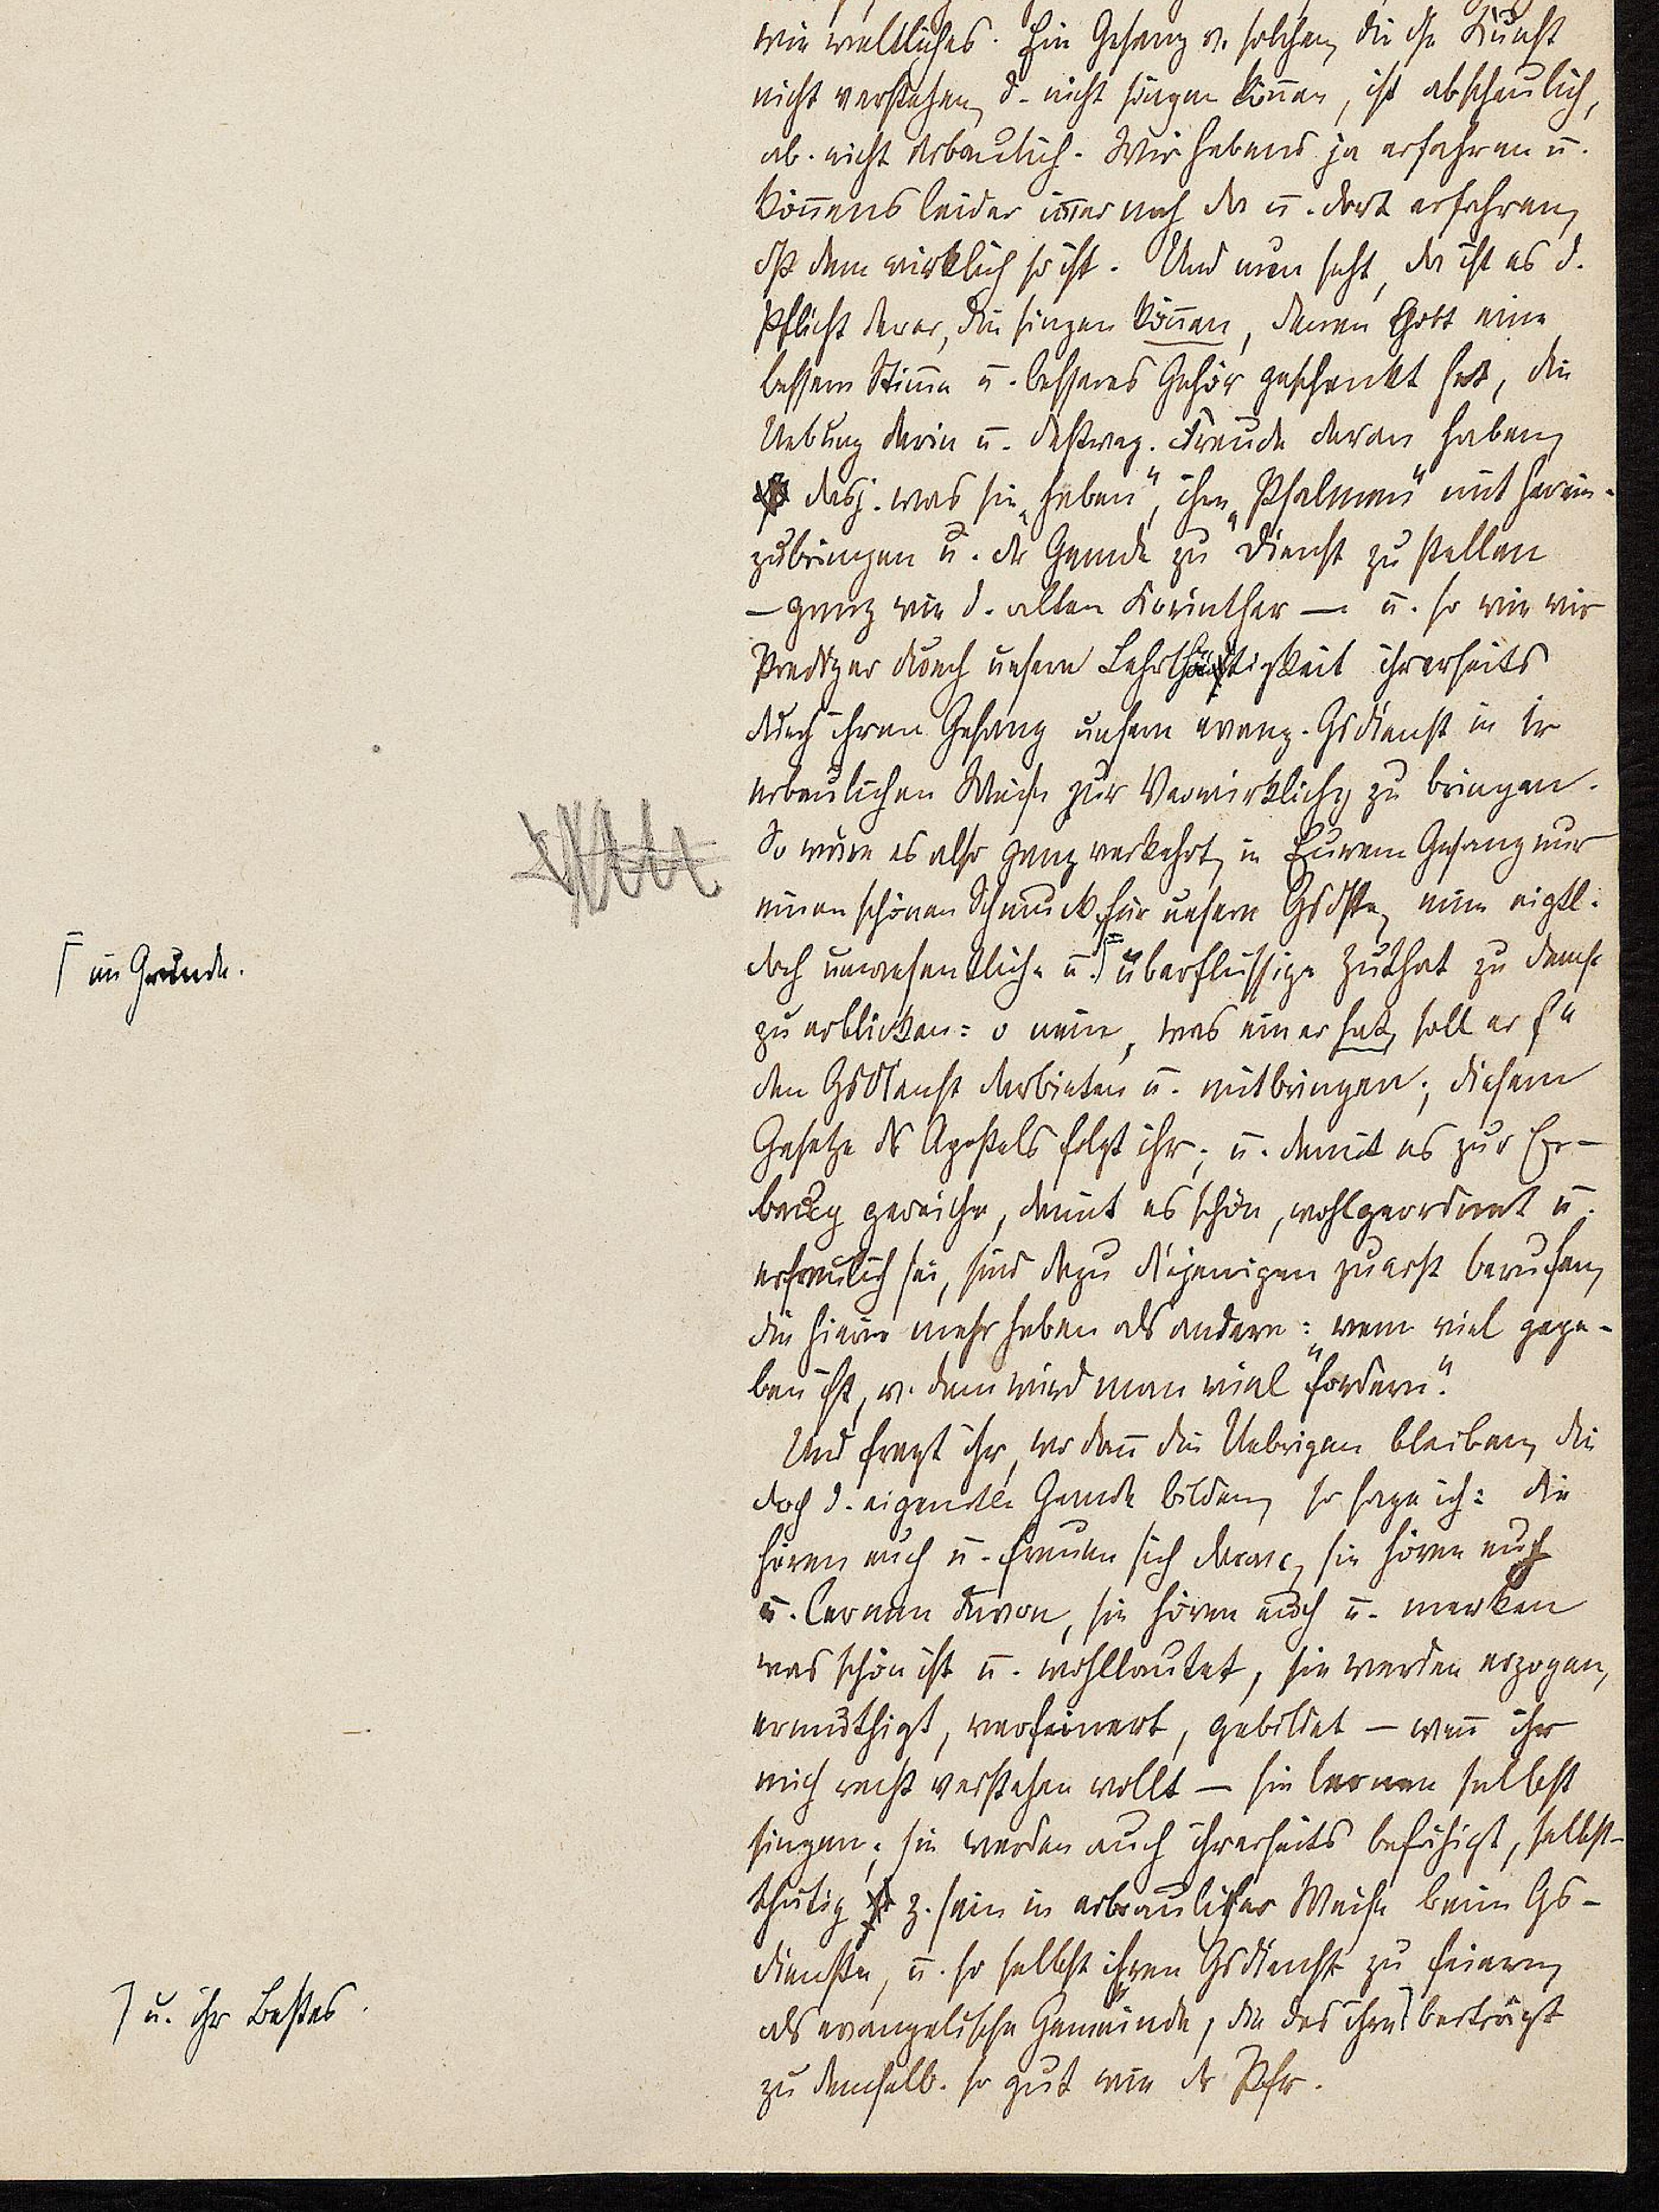[ im Grunde.
] u. ihr Bestes.
wie weltliches. Ein Gesang v. solchen, die dse Kunst
nicht verstehen, d. nicht singen könen, ist abscheulich,
ab. nicht erbaulich. Wir habens ja erfahren u.
könens leider imer noch noch da u. dort erfahren,
daß dem wirklich so ist. Und nun seht, da ist es d.
Pflicht derer, die singen könen, denen Gott, eine
bessere Stime u. besseres Gehör geschenkt hat, die
Uebung darin u. desweg. Freunde daran haben,
ist dasj. was sie "haben", ihre "psalmen" mit herein¬
zubringen u. der Gemde zu Dienst zu stellen
_ ganz wie d. alten Korinther _ u. so wie wir
Prediger durch unsere Lehrthätigkeit ihrerseits
durch ihren Gesang unsern evang. Gsdienst in 1r
erbaulichen Weise zur Verwirklichg zu bringen.
So wäre es also ganz verkehrt, in Eurem Gesang nur
einen schönen Schmuck für unsere Gsdst, eine eigtl.
doch unwesentliche u. [ überflüssige Zuthat zu dems.
zu erblicken: o nein, was einer hat, soll er f"
den Gsdienst darbieten u. mitbringen; diesem
Gesetze des Apostels folgt ihr; u. damit es zur Er¬
bauung gereiche, damit es schön, wohlgeordnet u.
erfreulich sei, sind dazu diejenigen zuerst berufen,
die hiervon mehr haben als anderen: wem viel gege¬
bei ist, v. dem wird man viel "fordern."
Und fragt ihr, wo dan die Uebrigen bleiben, die
doch d. eigentli. Gemde bilden, so sage ich: die
hören euch u. freuen sich daran, sie hören euch
u. lernen davon, sie hören euch u. merken
was schön ist u. wohllautet, sie werden erzogen,
ermuthigt, verfeinert, gebildet _ wen ihr
mich recht verstehen wollt _ sie lernen selbst
singen; sie werden auch ihrerseits befähigt, selbst
thätig fr z. sein in erbaulicher Weise beim Gs¬
dienste, u. so selbst ihren Gsdienst zu feiern,
als evangelische Gemeinde, die des ihre beiträgt
zu demselb. so gut wie der Pfr.